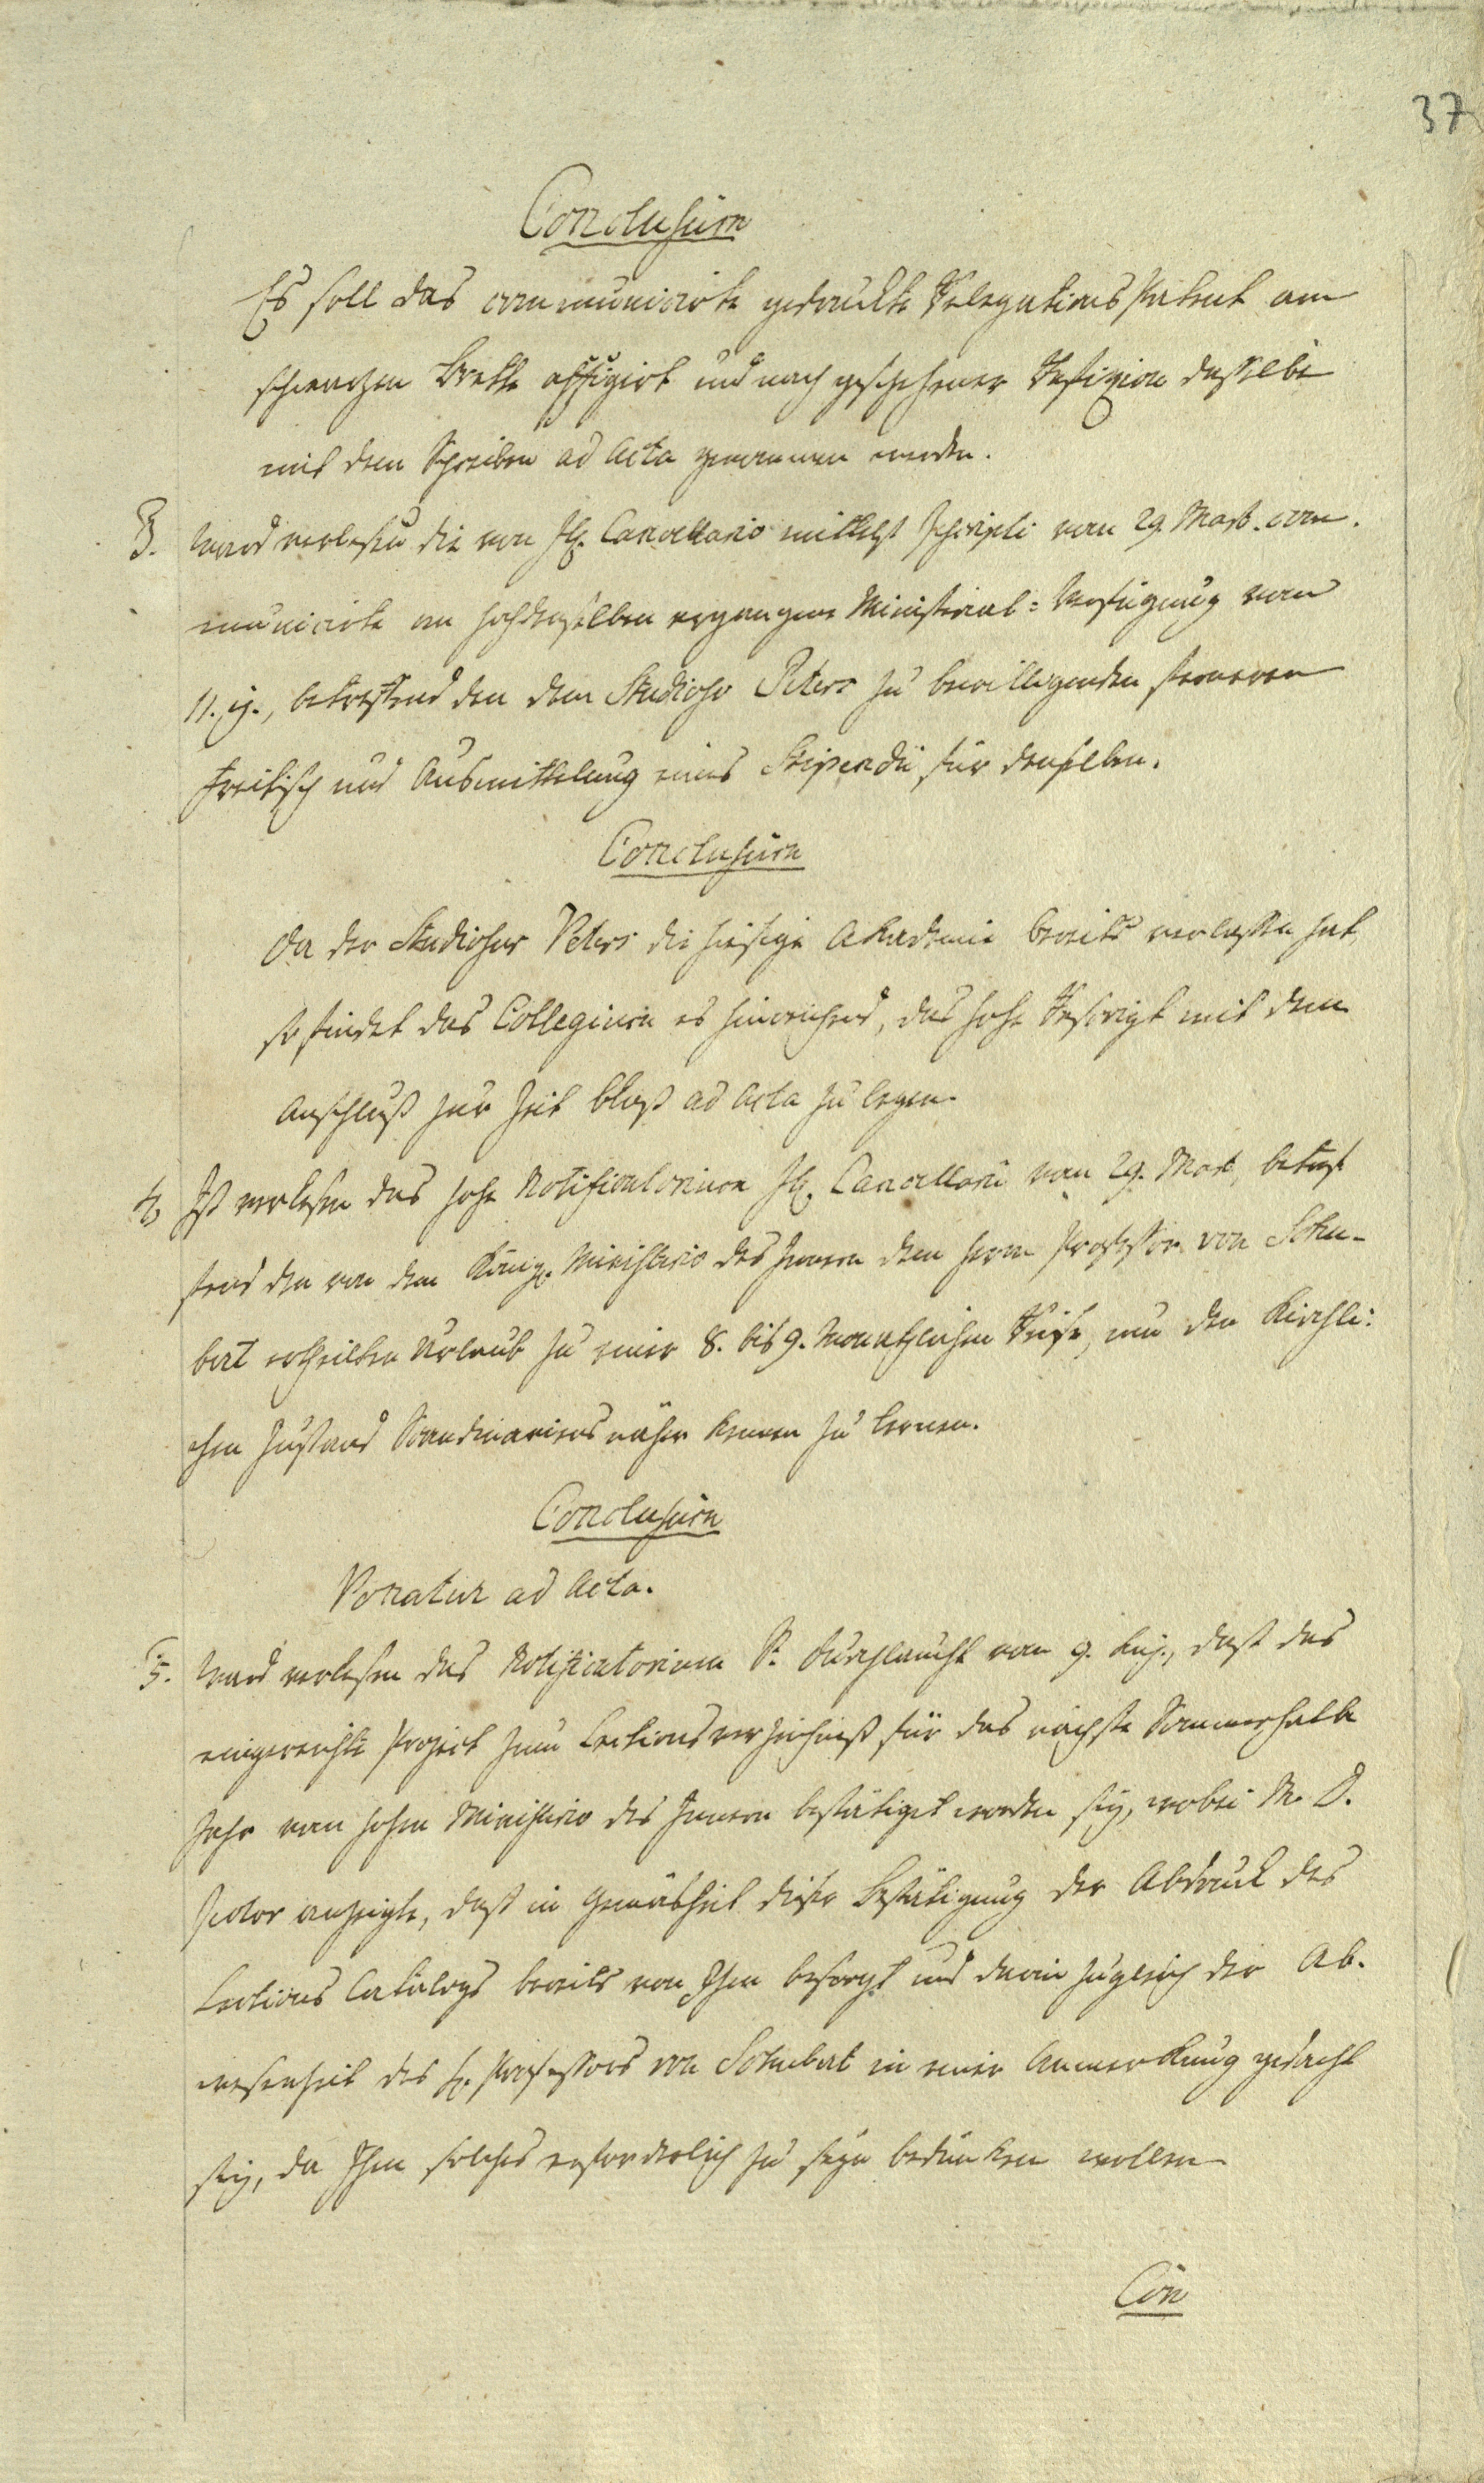Conclusum
Es soll das communicirte gedruckte RelegationsPatent am
schwarzen Brette affigirt und nach geschehener Resixion dasselbe
mit dem Schreiben ad Acta genommen werden.
3. Ward verlesen die von Ill. Cancellario mittelst Rescripti vom 29. Mart. com¬
municirte an hochdenselben ergangene Ministerial- Verfügung vom
11. ej., betreffend den dem Studioso Peters zu bewilligenden ferneren
Freitisch und Ausmittelung eines Stipendii für denselben.
Conclusum
Da der Studiosus Peters die hiesige Akademie bereits verlassen hat,
so findet das Collegium es hinreichend, das hohe Rescript mit dem
Anschluß zur Zeit bloß ad Acta zu legen.
4. Ist verlesen das hohe Notificatorium Ill. Cancellarii vom 29. Mart, betref¬
fend den von dem Königl. Ministerio des Innern dem Herrn Professor von Schu¬
bert ertheilten Urlaub zu einer 8. bis 9. Monathlichen Reise, um den Kirchli¬
chen Zustand Scandinaviens näher kennen zu lernen.
Conclusum
Vonatur ad Acta.
5. Ward verlesen das Notificatorium Sr. Durchlaucht vom 9. huj., daß das
eingereichte Project zum Lectionsverzeichniß für das nächste Sommerhalbe
Jahr vom hohen Ministerio des Innern bestätiget worden seÿ, wobei M. D.
Rector anzeigte, daß in Gemäsheit dieser Bestätigung der Abdruck des
Lections Catalogs bereits von Ihm besorgt und darin zugleich der Ab¬
wesenheit des H. Professors von Schubert in einer Anmerkung gedacht
seÿ, da Ihm solches erforderlich zu seÿn bedünken wollen.
Con